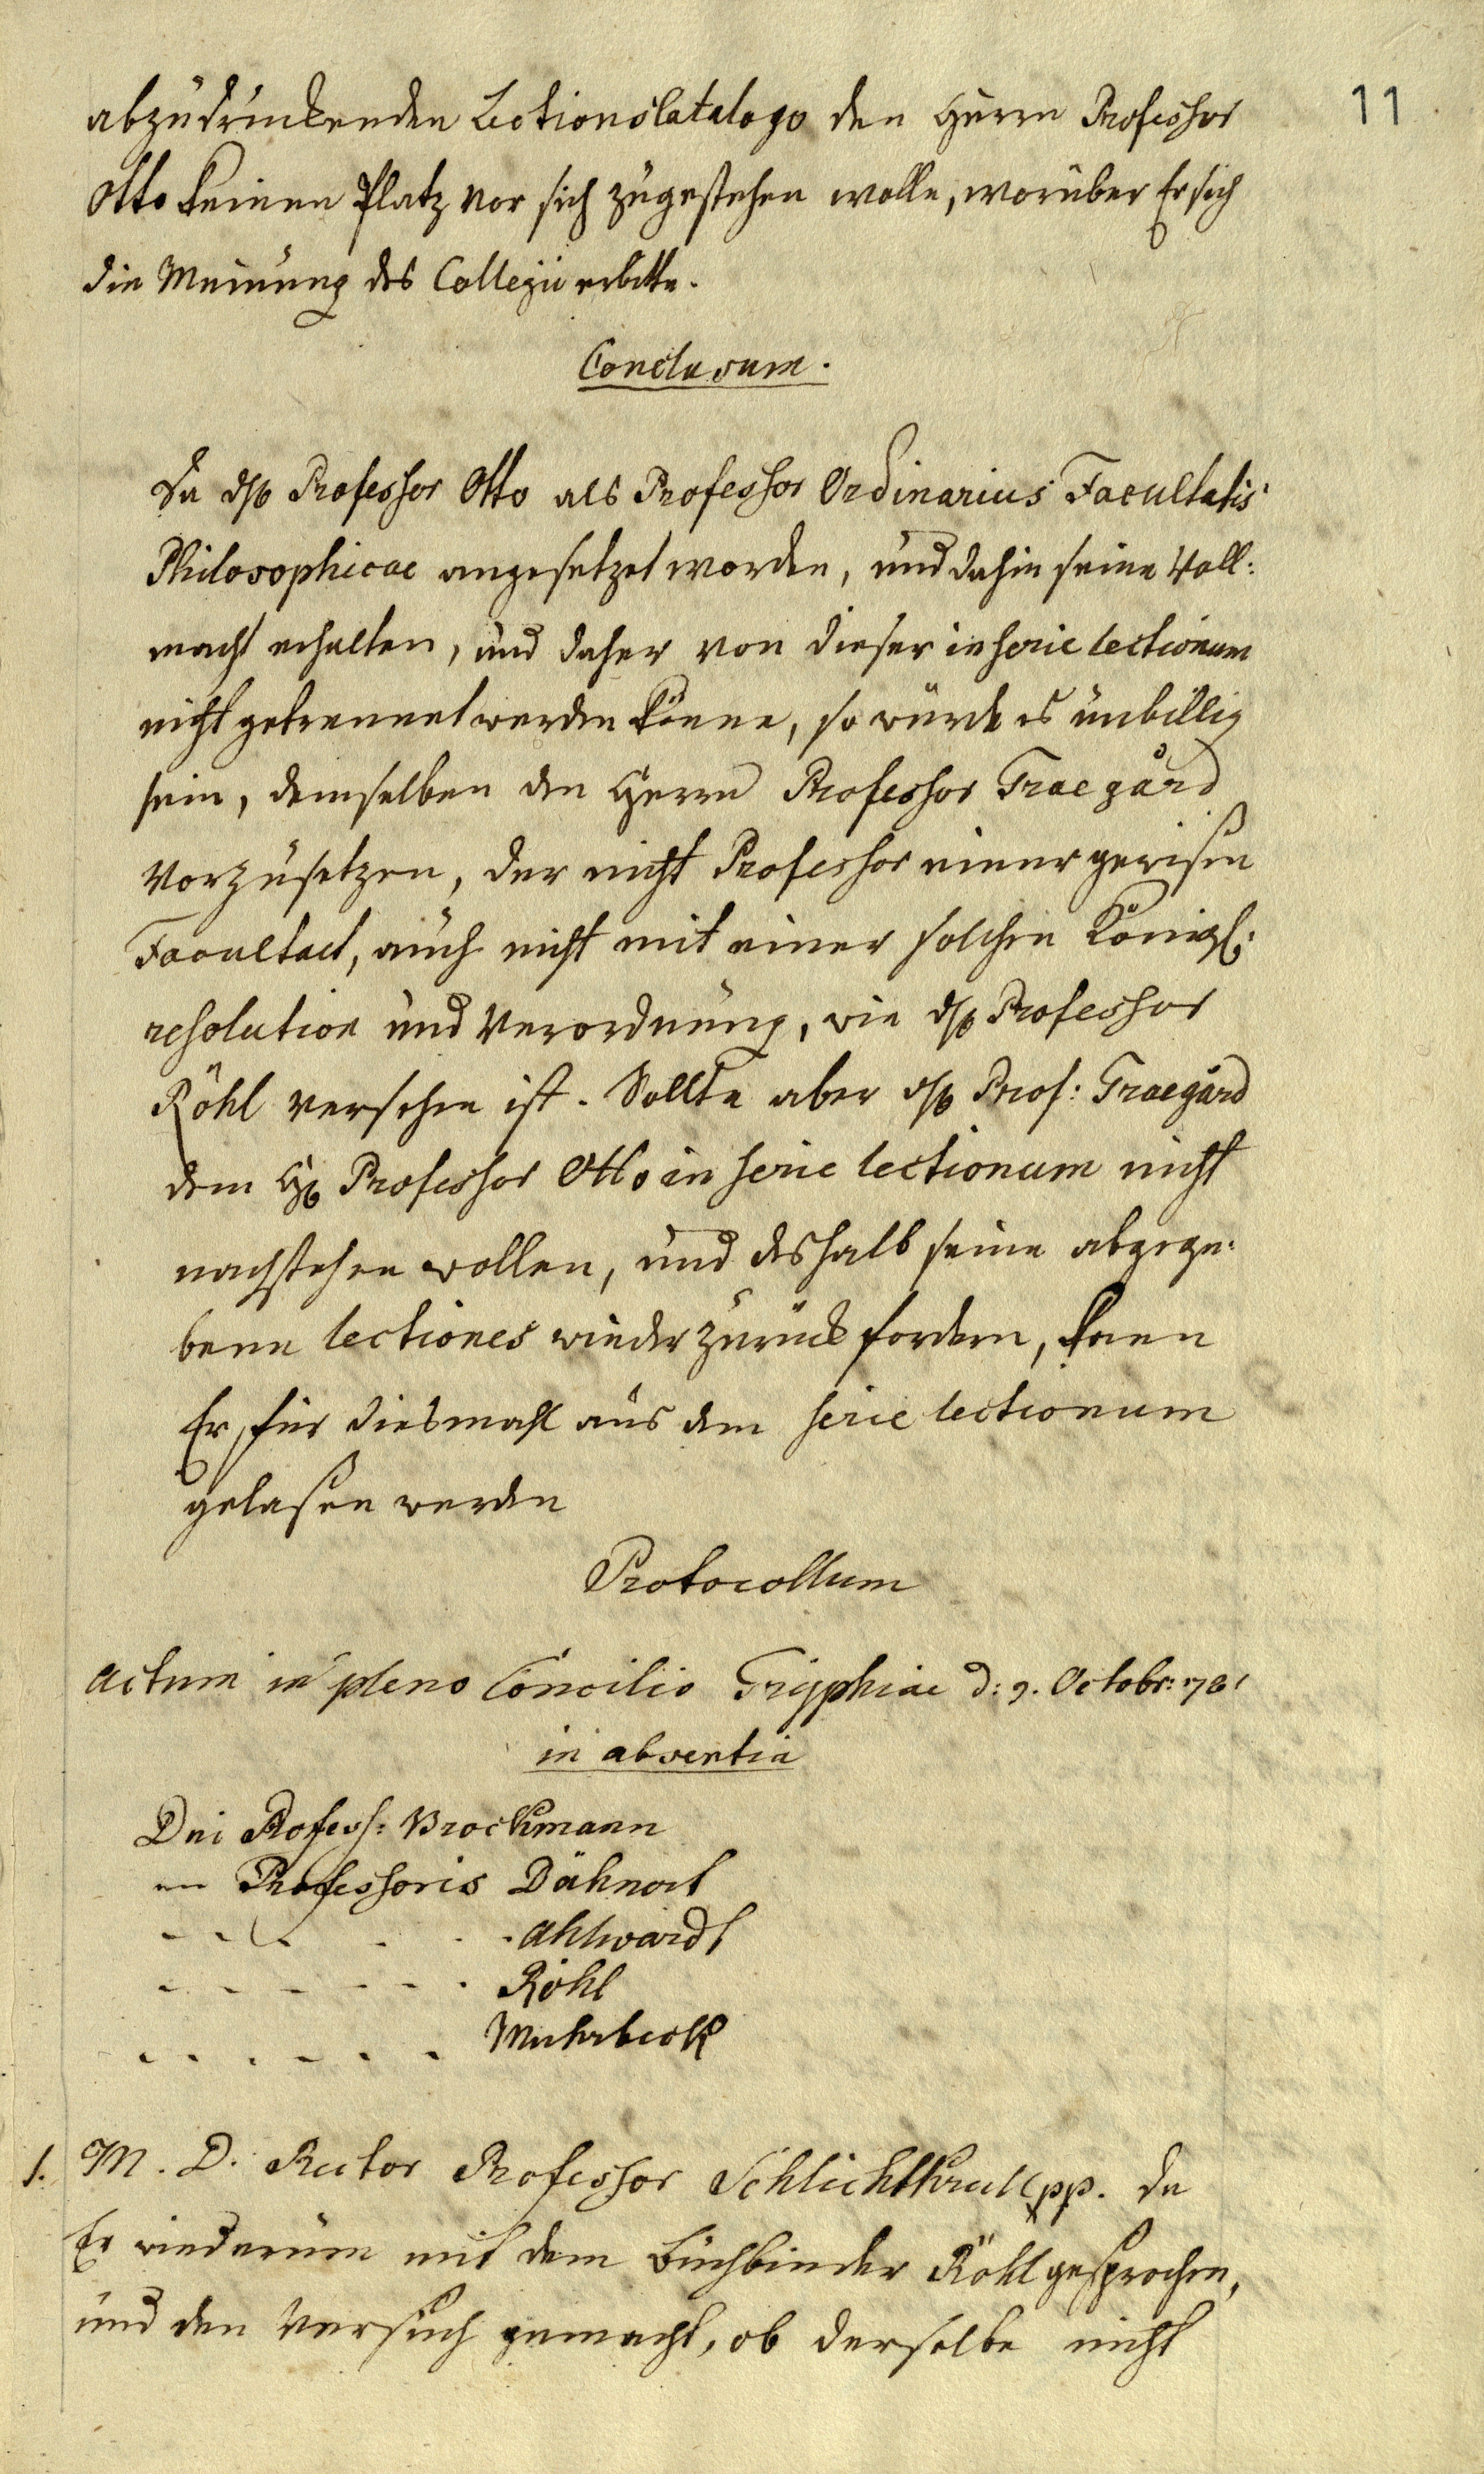abzudruckenden LectionsCatalogo den Herrn Professor
Otto keinen Platz vor sich zugestehen wolle, worüber Er sich
die Meinung des Collegii erbitte.
Conclusum
da dh Professor Otto als Professor Ordinarius Facultatis
Philosophicae angesetzet worden, und dahin seine Voll¬
macht erhalten, und daher von dieser in serie lectionum
nicht getrennt werden könne, so würde es unbillig
sein, demselben den Herrn Professor Traegård
vorzusetzen, der nicht Professor einer gewißen
Facultaet, auch nicht mit einer solchen Königl:
resolution und Verordnung, wie dh Professor
Röhl versehen ist. Sollte aber dh Prof: Traegård
dem h Professor Otto in serie lectionum nicht
nachstehen wollen, und deshalb seine abgege¬
bene lectiones wieder zurück fordern, kann
Er für diesmahl aus dem serie lectionum
gelaßen werden
Protocollum
Actum in pleno Concilio Grÿphiae d: 9. Octobr: 1781
in absentia
dei Profess: Brockmann
Professoris Dähnert
Ahlwardt
Röhl
Muhrbeck
M. D. Rector Professor Schlichtkrull pp. da
Er wiederum mit dem BuchbinderRöhl gesprochen,
und den Versuch gemacht, ob derselbe nicht